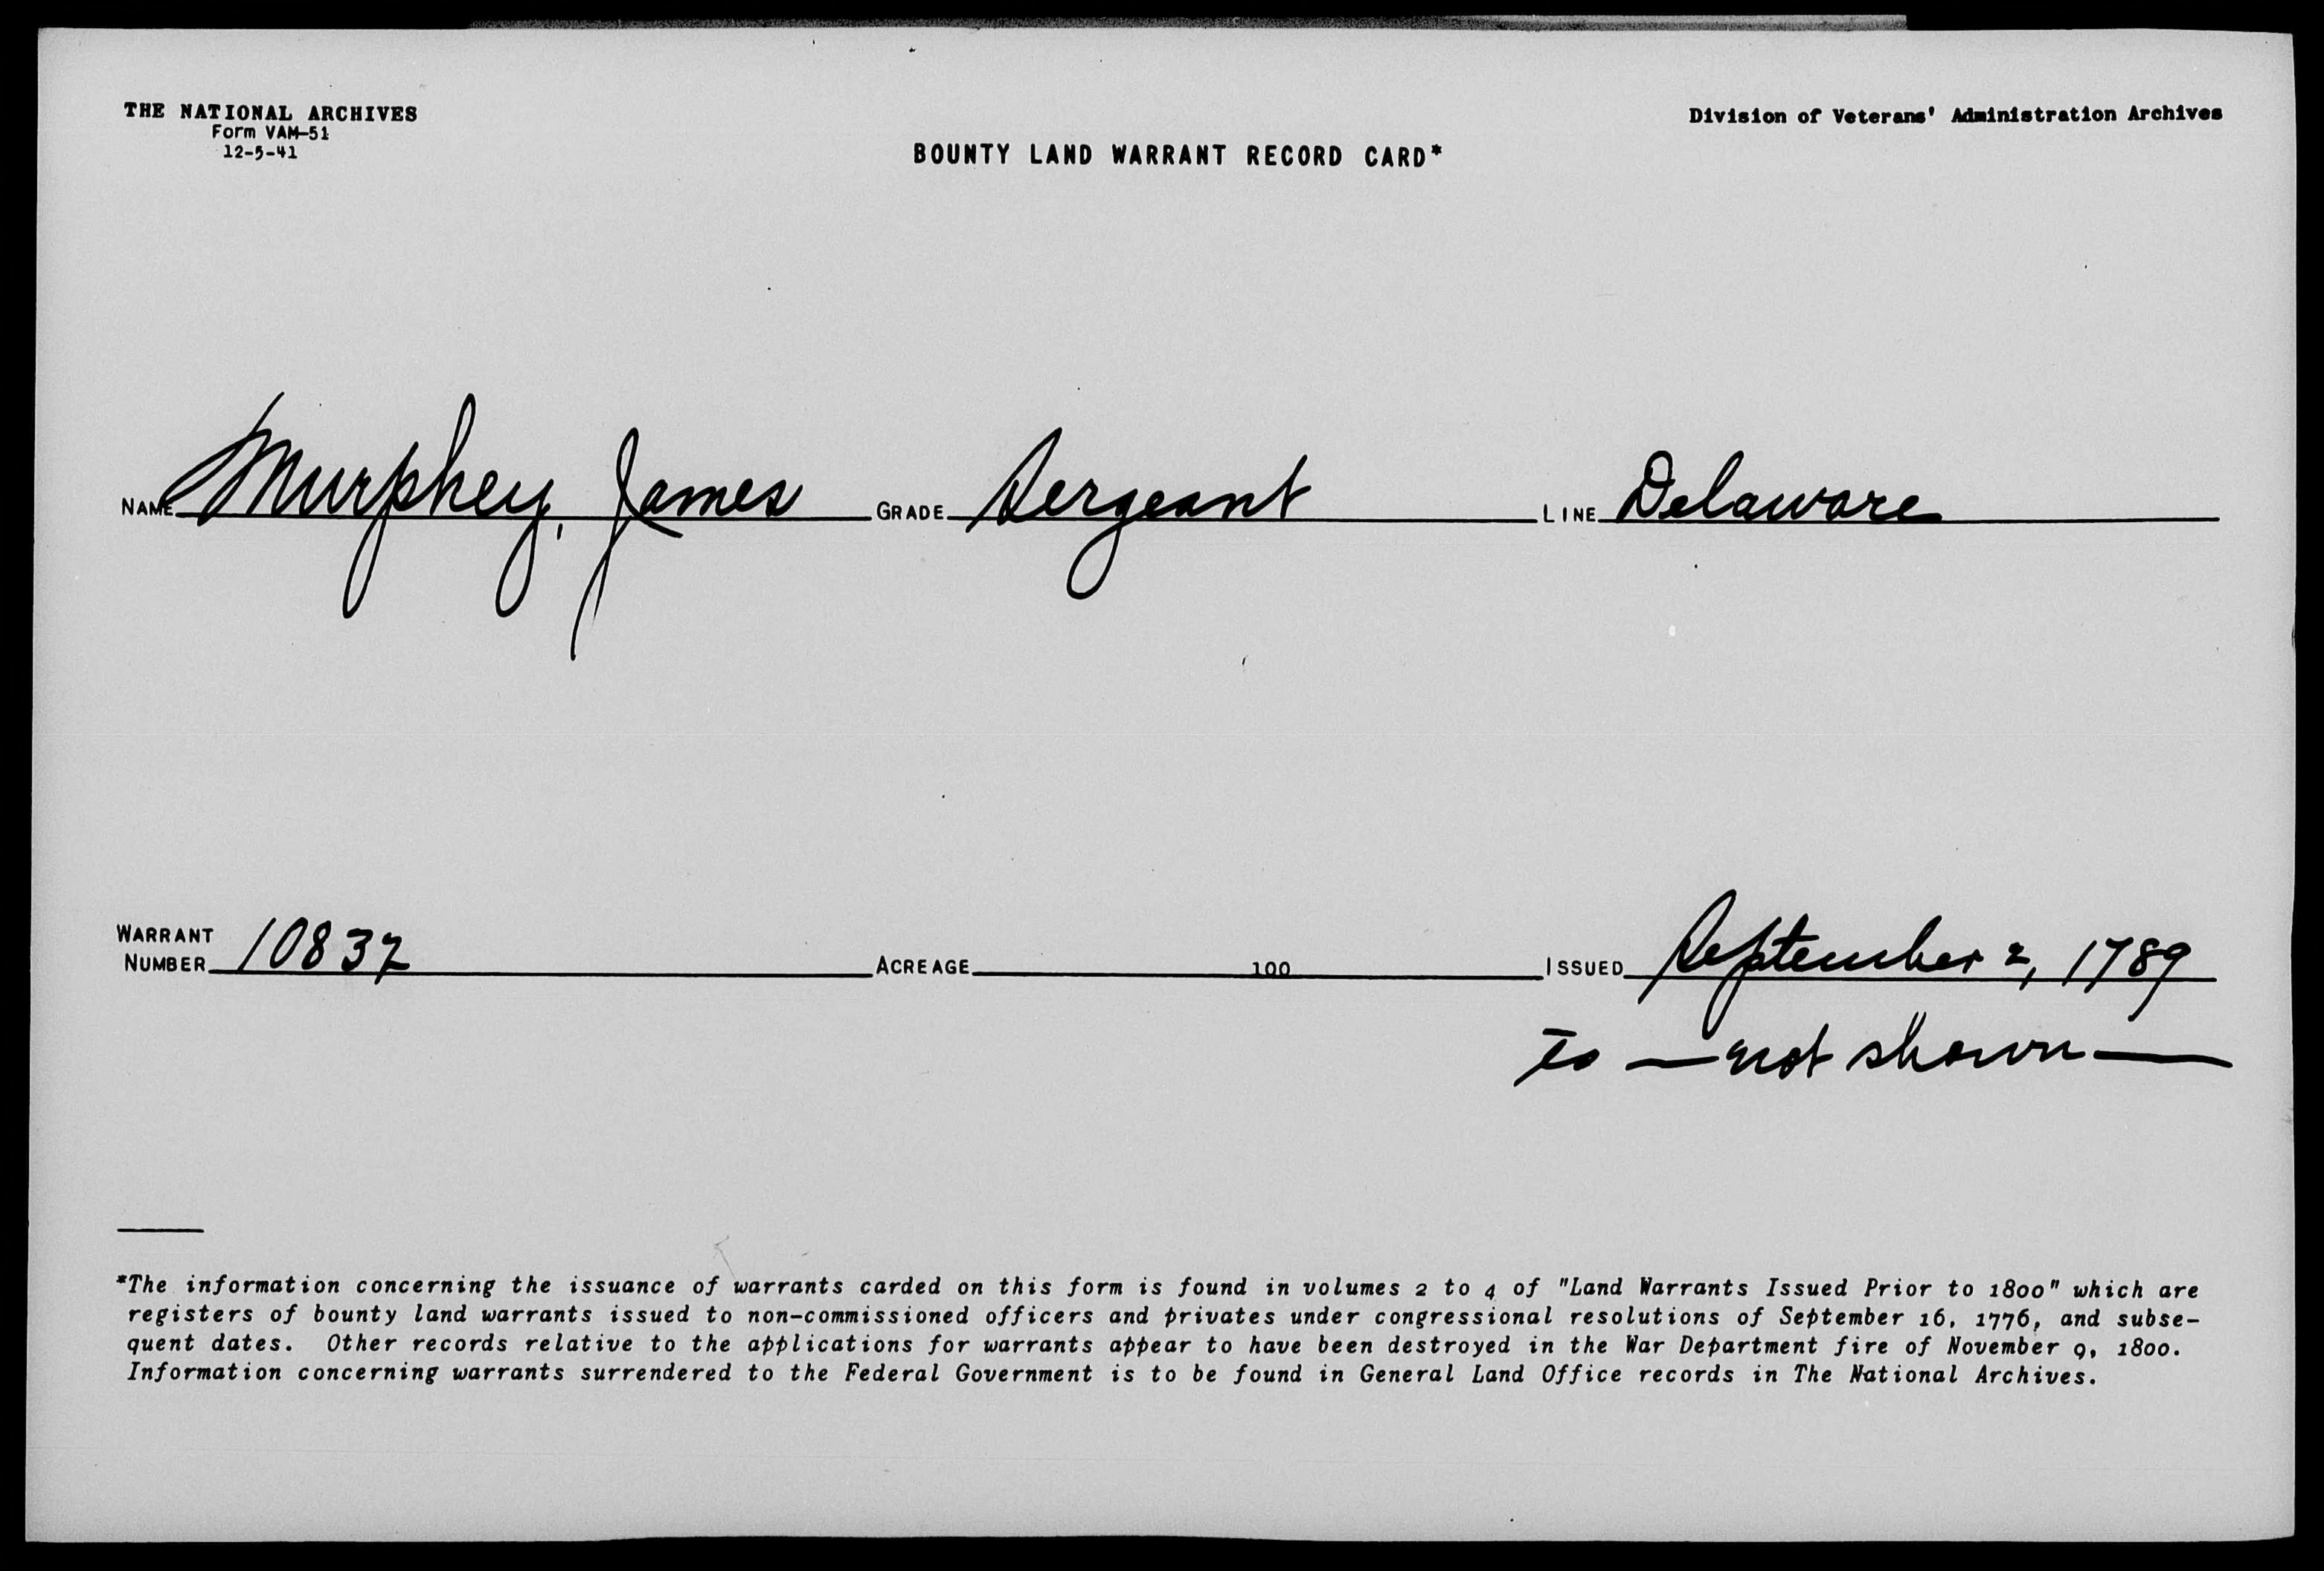THE NATIONAL ARCHIVES
Form VAM-51
12-5-41
Division of Veterans' Administration Archives
BOUNTY LAND WARRANT RECORD CARD*

Name: Murphey, James
Grade: Sergeant
Line: Delaware

WARRANT NUMBER___ 10832
ACREAGE ___100
ISSUED ____September 1789  to --not shown--


----------------
The information concerning the issuance of warrants carded on this form is found in volumes 2 to 4 of "Land Warrants Issued Prior to 1800" which are
registers of bounty land warrants issued to non-commissioned officers and privates under congressional resolutions of September 16, 1776, and subsequent
dates. Other records relative to the applications for warrants appear to have been destroyed in the War Department fire of November 9, 1800.
Information concerning warrants surrendered to the Federal Government is to be found in General Land Office records in The National Archives.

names: James Murphey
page: 57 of 57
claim: widow's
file: W. 25,739, for James Murphey, Pennsylvania